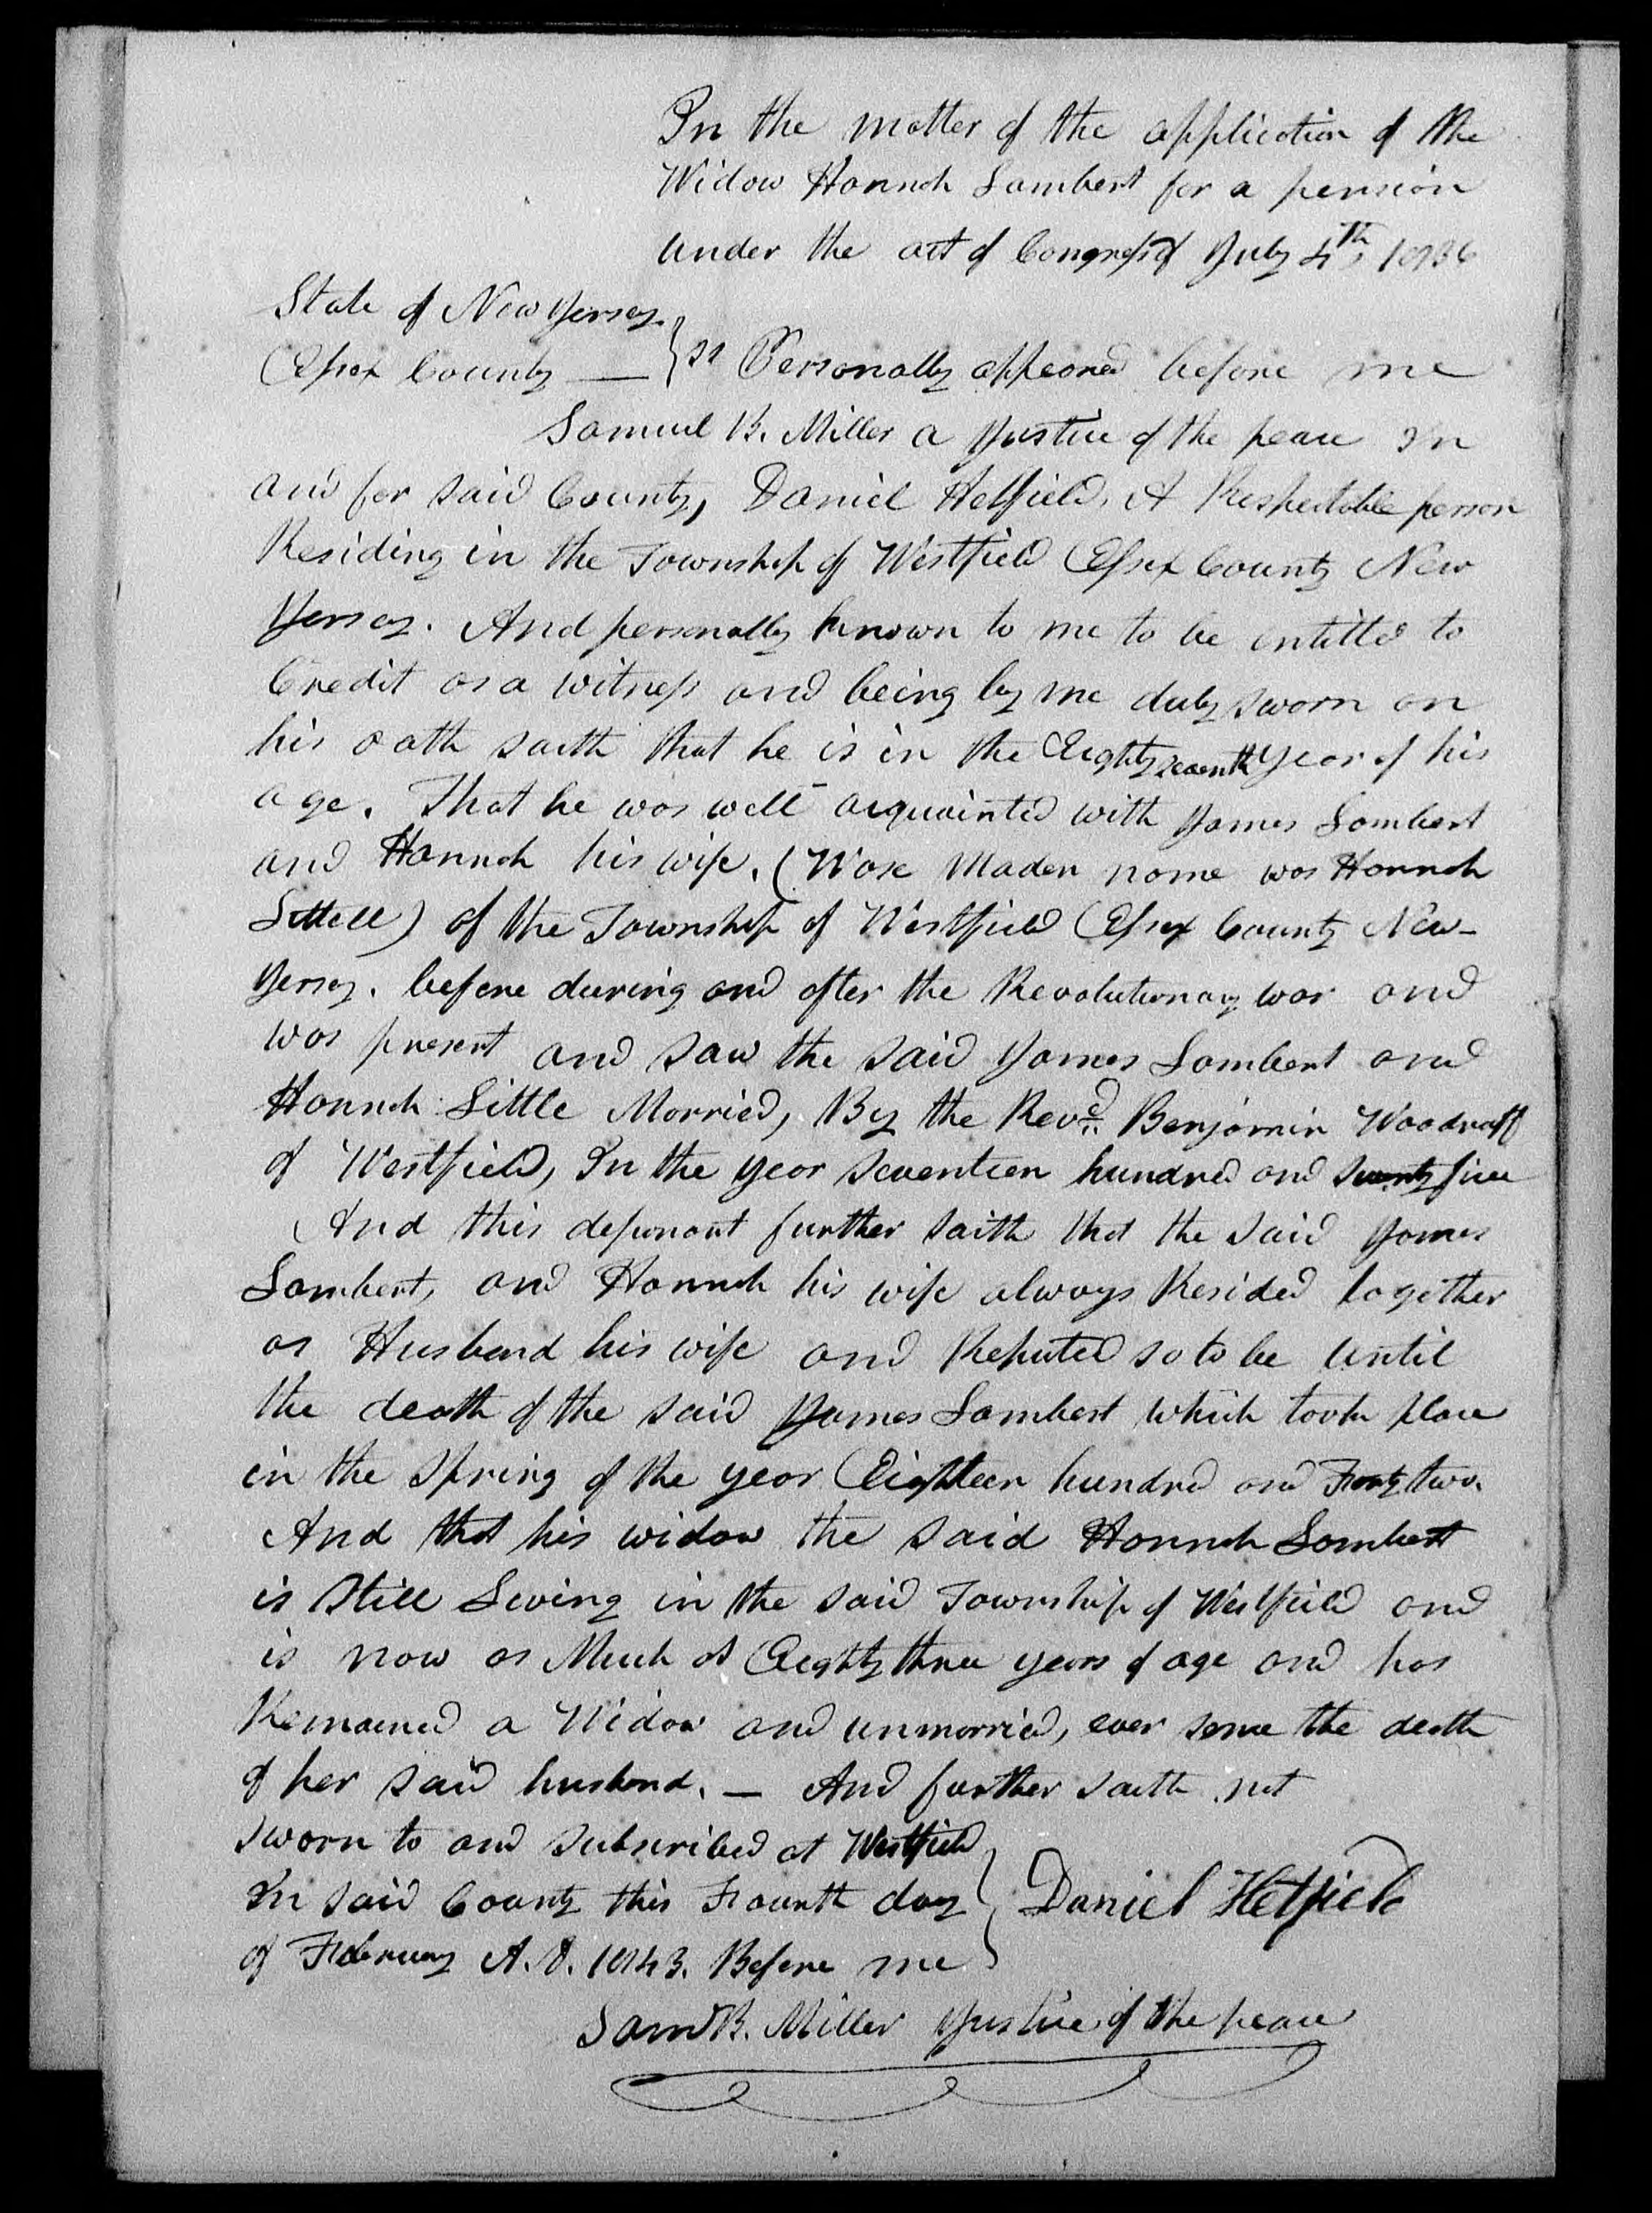In the matter of the application of the
Widow Hannah Lambert for a pension
under the act of Congress of July 4th 1836
State of New Jersey
Essex County  Personally appeared before me
Samuel B. Miller a Justice of the peace in
and for said County, Daniel Helfield, A Respectable person Residing in the Township of Westfield Essex County New Jersey. And personally known to me to be entitled to
Credit as a witness and being by me duly sworn on his oath saith that he is in the Eighty seventh year of his age. That he was well acquainted with James Lambert and Hannah his wife. (Was Maden name was Hannah
Littell ) of the Township of Westfield Essex County New Jersey, before during and after the Revolutionary war and was present and saw the said James Lambert and Hannah Little Married, By the Revd Benjamin Woodruff
of Westfield, In the year seventeen hundred and seventy five. And this deponent further saith that the said James Lambert and Hannah his wife always Resided together as Husband his wife and reputed so to be until the death of the said James Lambert which took place
in the spring of the year Eighteen hundred and Forty two. And that his widow the said Hannah Lambert is still living in the said Township of Westfield and is now as much as Eighty three years of age and has remained a Widow and unmarried, ever since the death of her said husband. - And further saith not
Daniel Hetfield
Sworn to and subscribed at Westfield in said County this fourth day of February A.D. 1843. Before me
Saml B. Miller Justice of the peace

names: Hannah Lambert; Hannah Littell; James Lambert; Daniel Hetfield; Samuel B Miller; Benjamin Woodruff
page: 19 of 49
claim: widow's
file: W. 859, for James Lambert, New Jersey